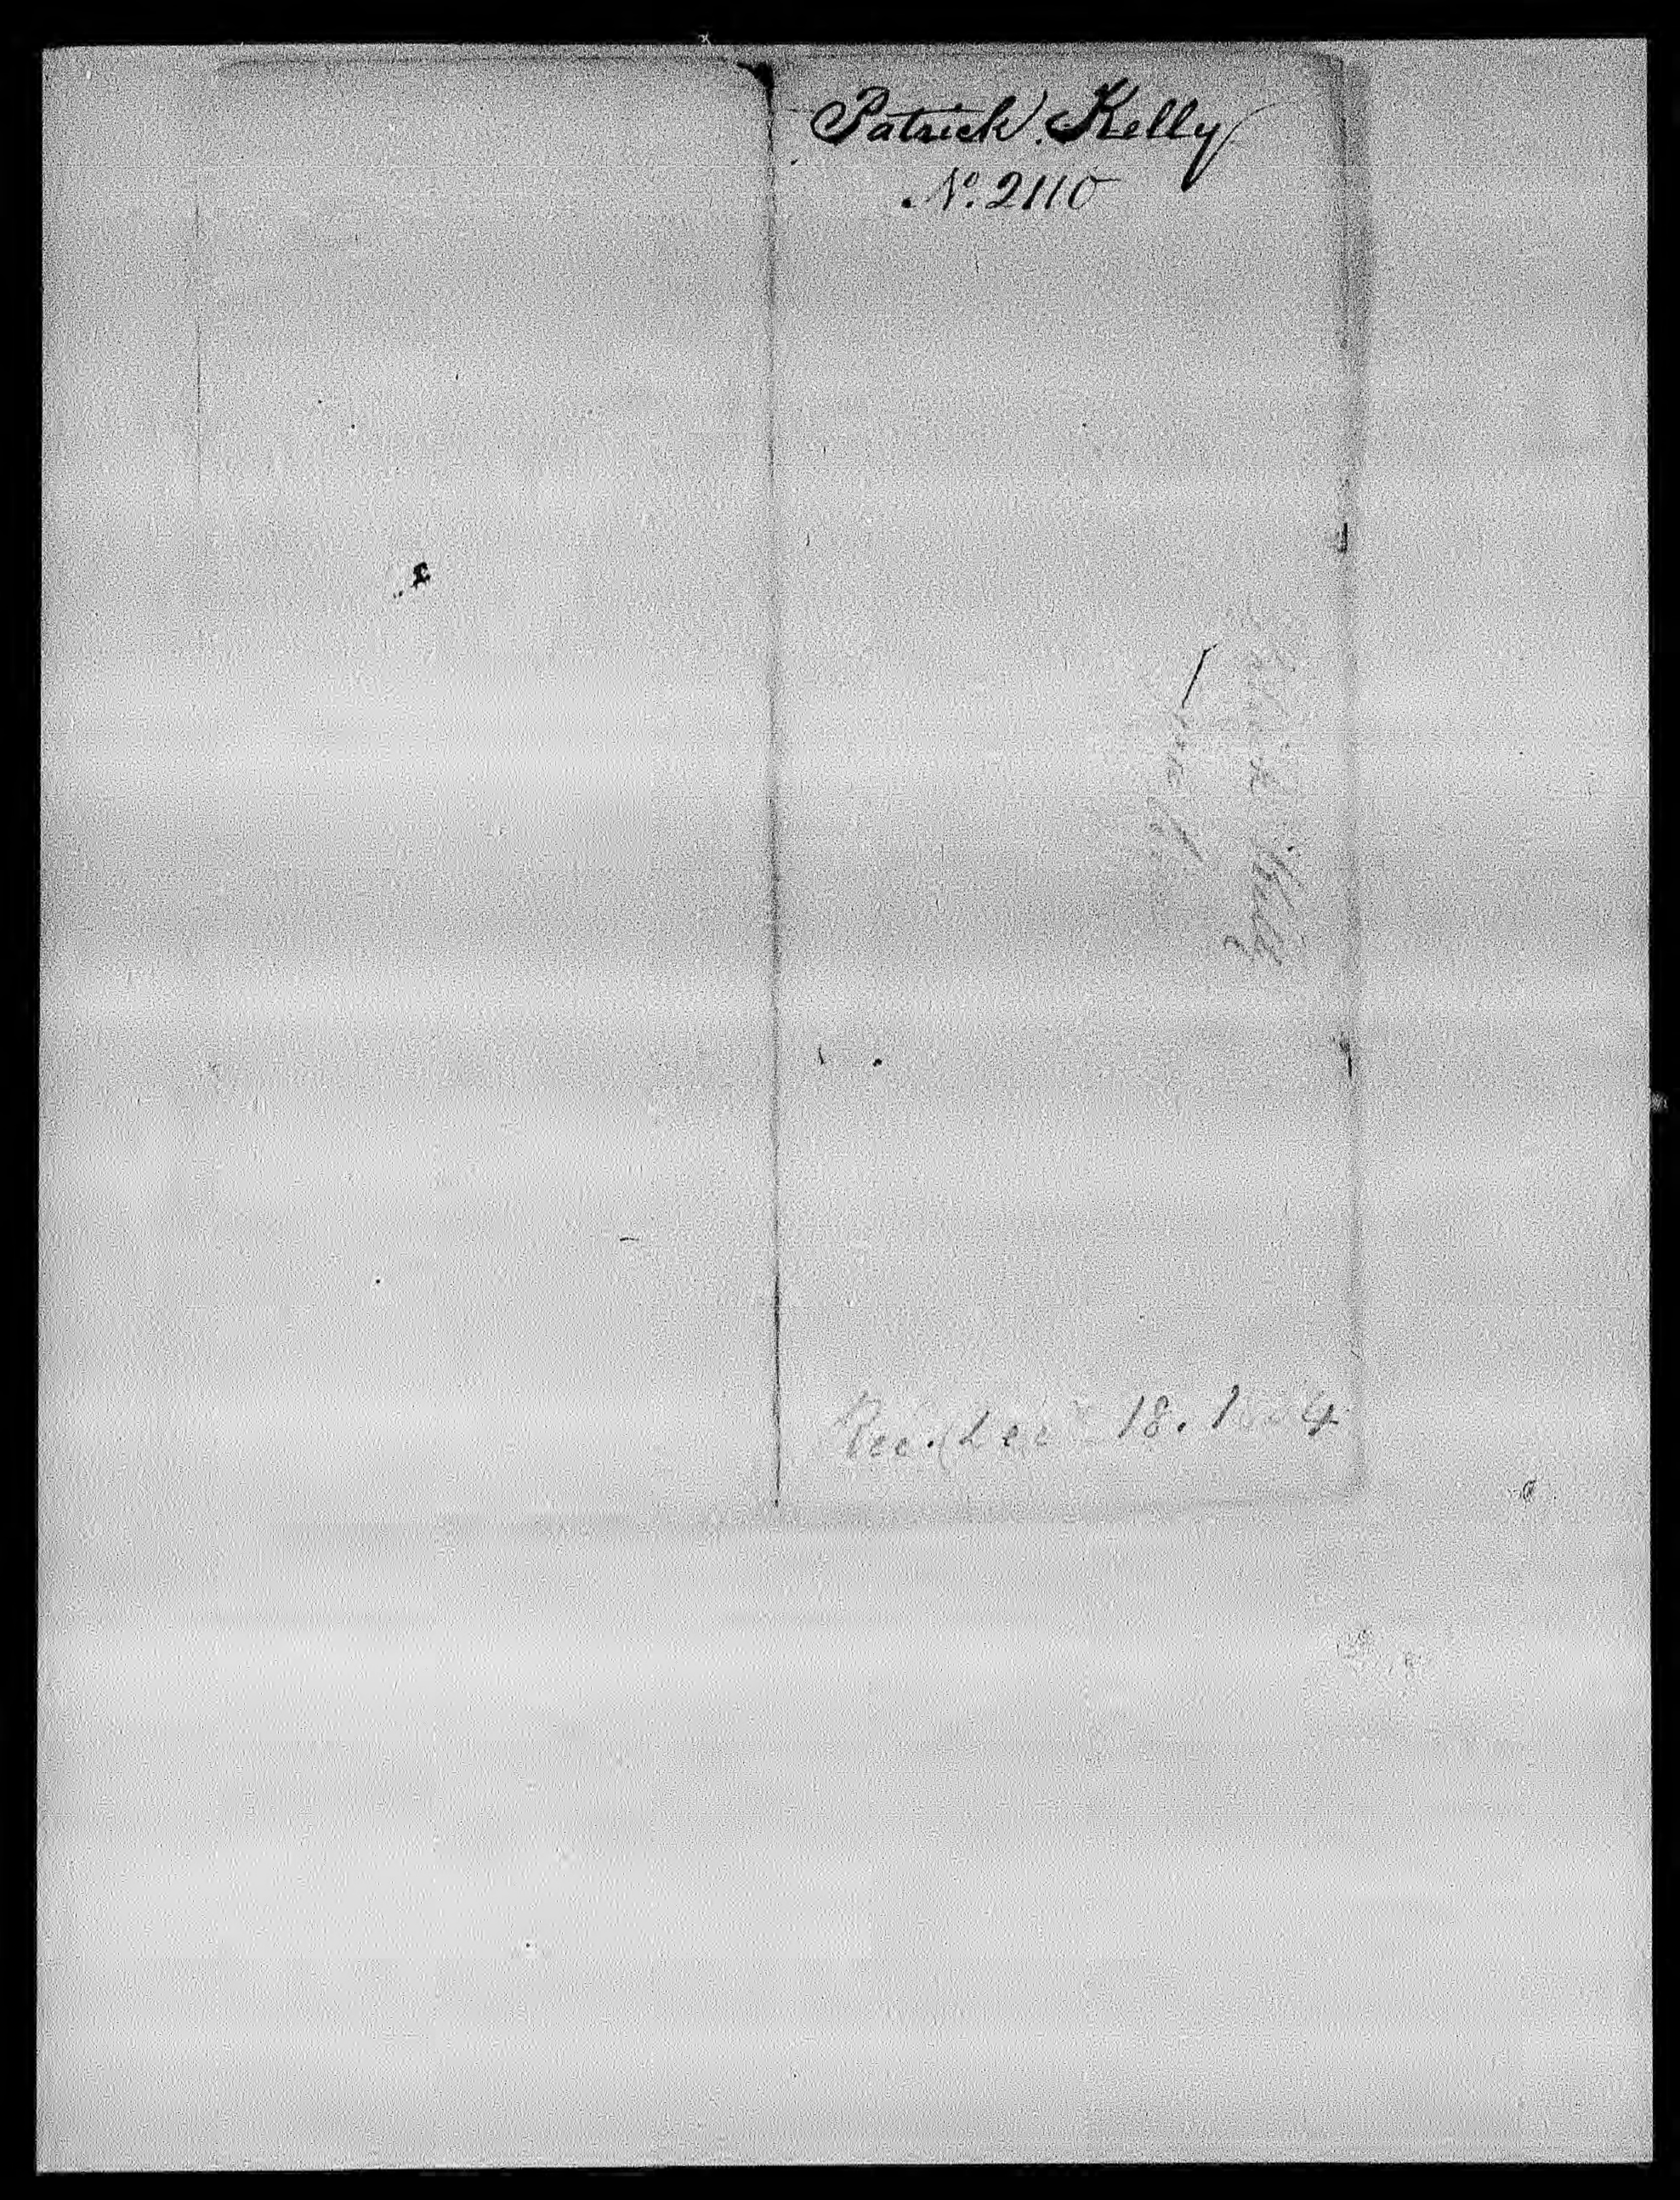Patrick Kelly
No. 2110

Patrick Kelly

Rec. Dec 18, 1834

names: Patrick Kelly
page: 3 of 11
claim: bounty land warrant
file: B. L. Wt. 2110-100, for Patrick Kelly, Pennsylvania